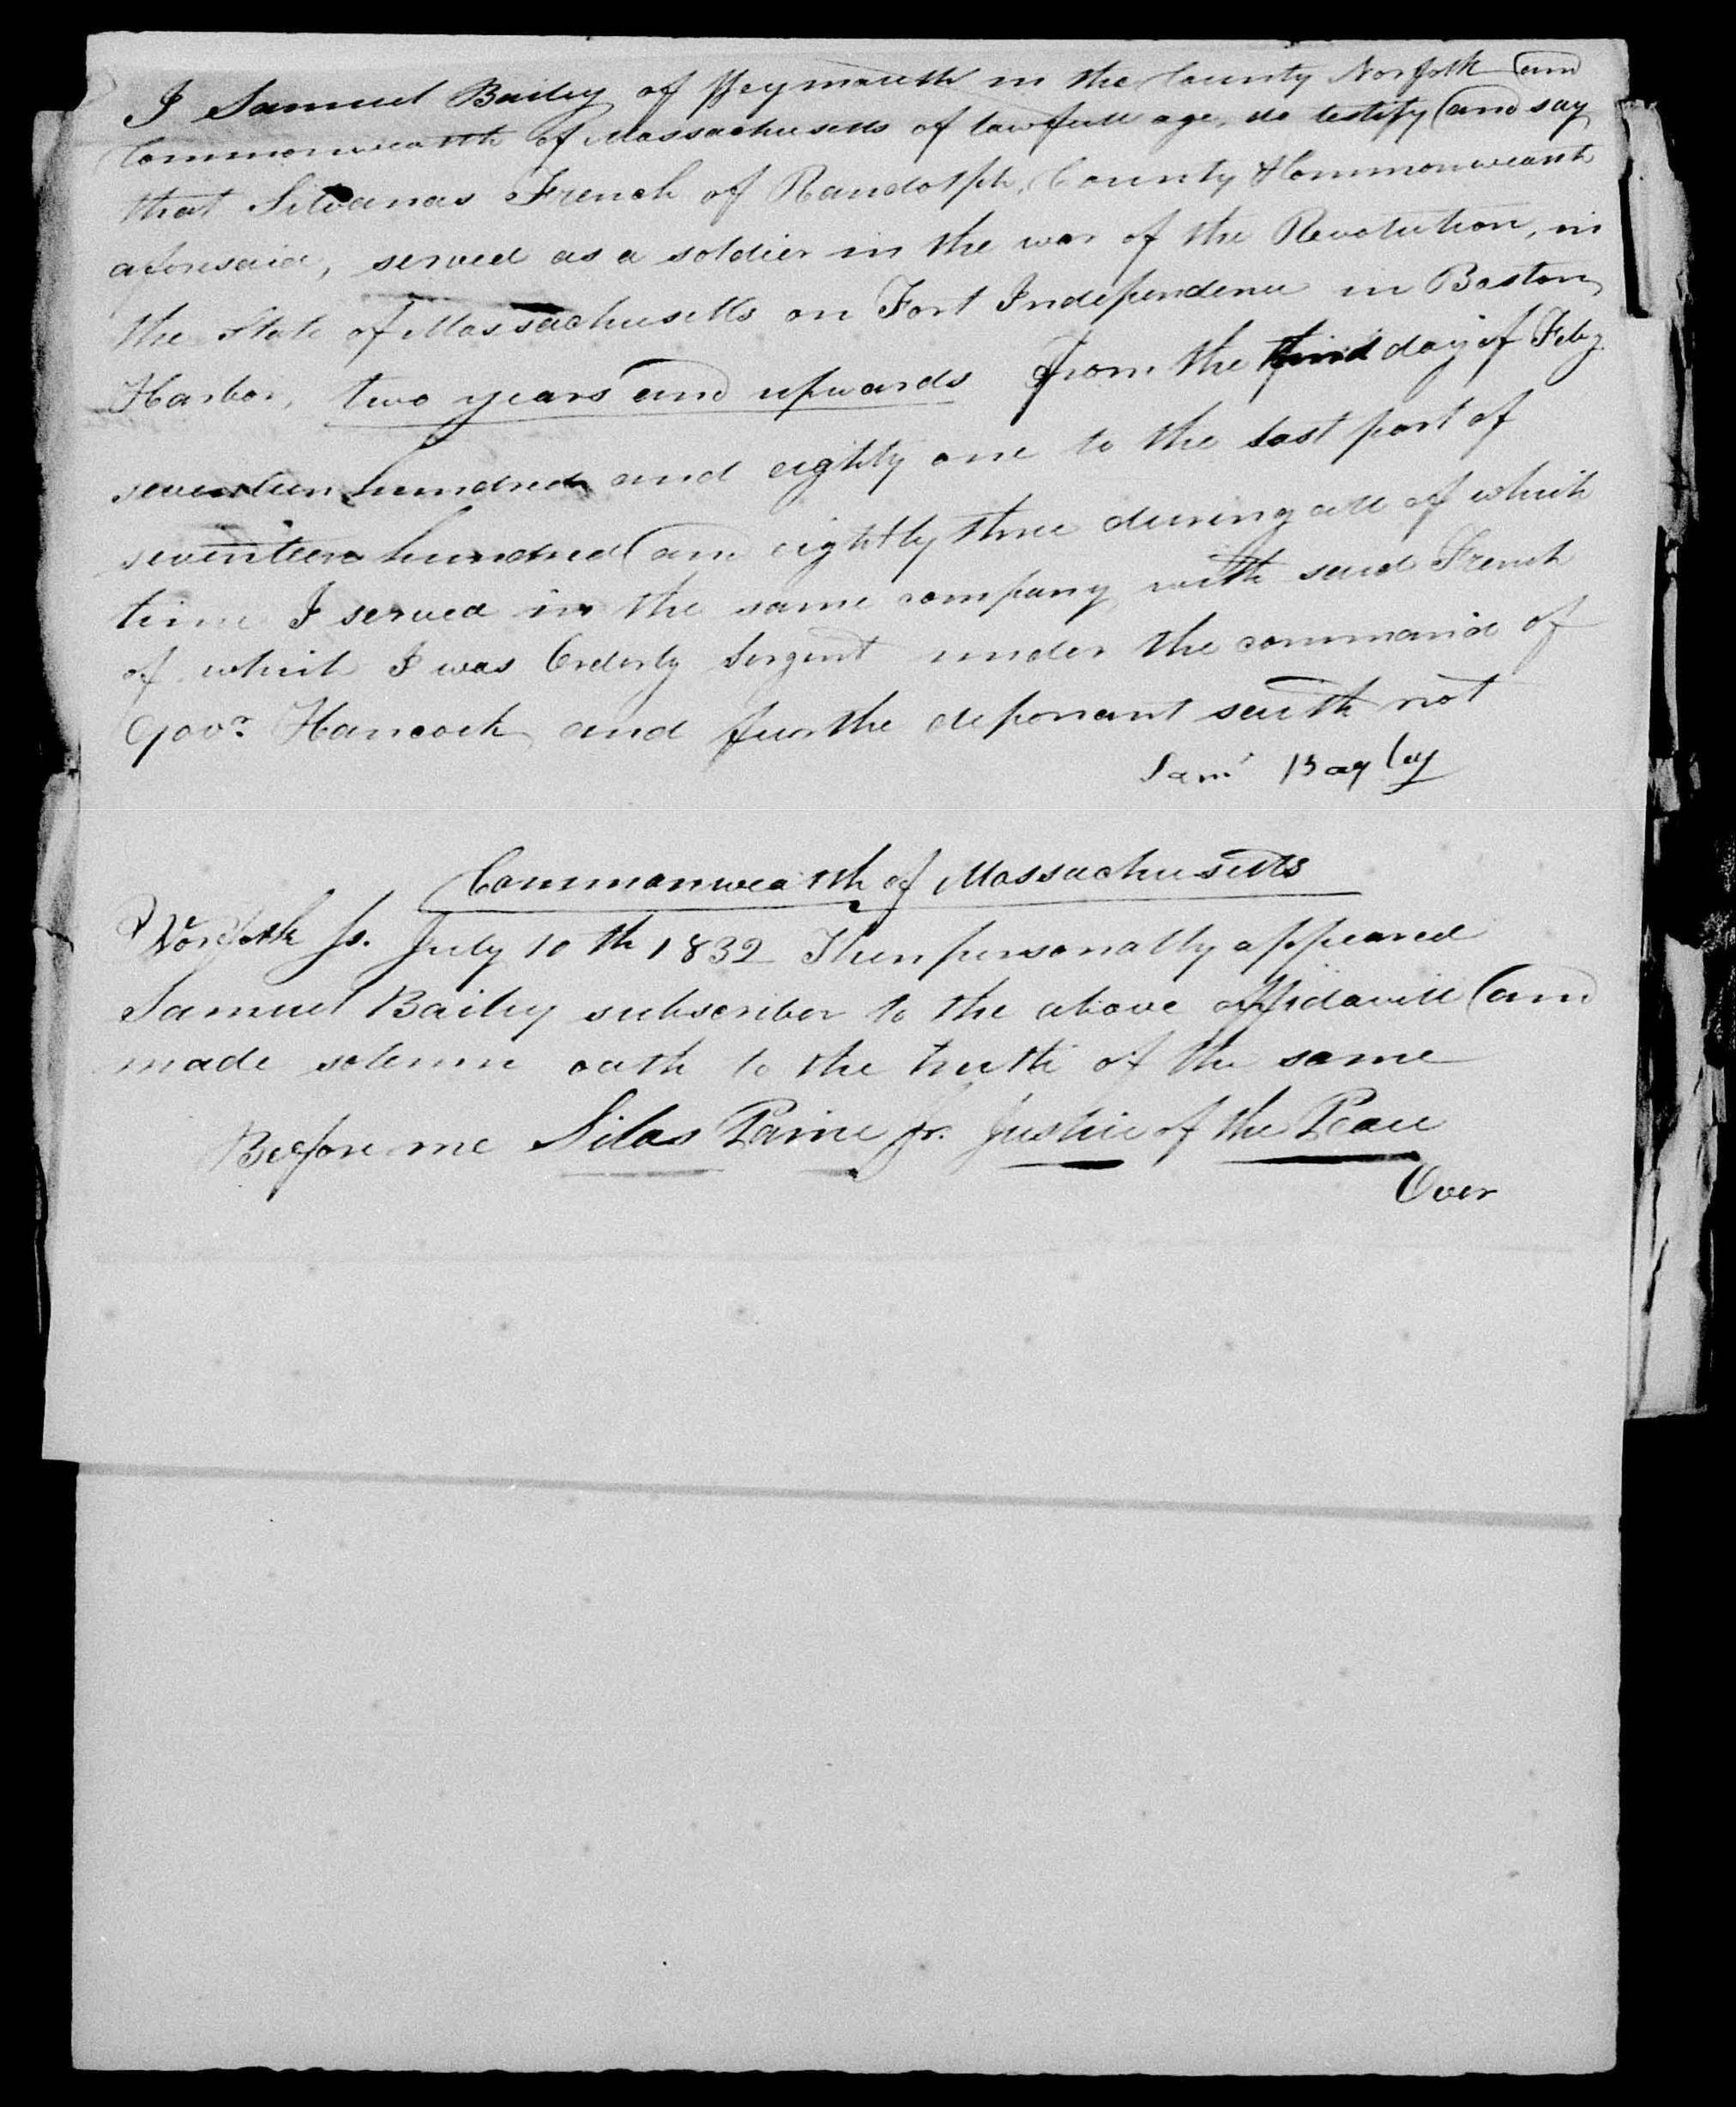I Samuel Bailey of Weymouth in the County Norfolk and
Commonwealth of Massachusetts of lawfull age, do testify and say
that Silvanus French of Randolph County & Commonwealth
aforesaid, served as a soldier in the war of the Revolution, in
the State of Massachusetts on Fort Independence in Boston
Harbor, two years and upwards from the third day of Feby.
seven hundred and eighty one to the last part of
seventeen hundred and eighty three during all of which
time I served in the same company with said French
of which I was Orderly Sergent under the command of
Govr. Hancock and further deponant saith not
Sam Bayley [sic]

Commonwealth of Massachusetts
---
[illegible - possibly Norfolk Co.] July 10th 1832 Then personally appeared
Samuel Bailey subscriber to the above affidavit and
made solemn oath to the truth of the same
Before me Silas Paine Jr. Justice of the Peace
Over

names: Hancock, Samuel Bailey, Silvanus French, Silas Paine, Samuel Bailey, French, Saml Bayley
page: 5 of 38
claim: widow's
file: W. 24,235, Silvanus French, Mass.